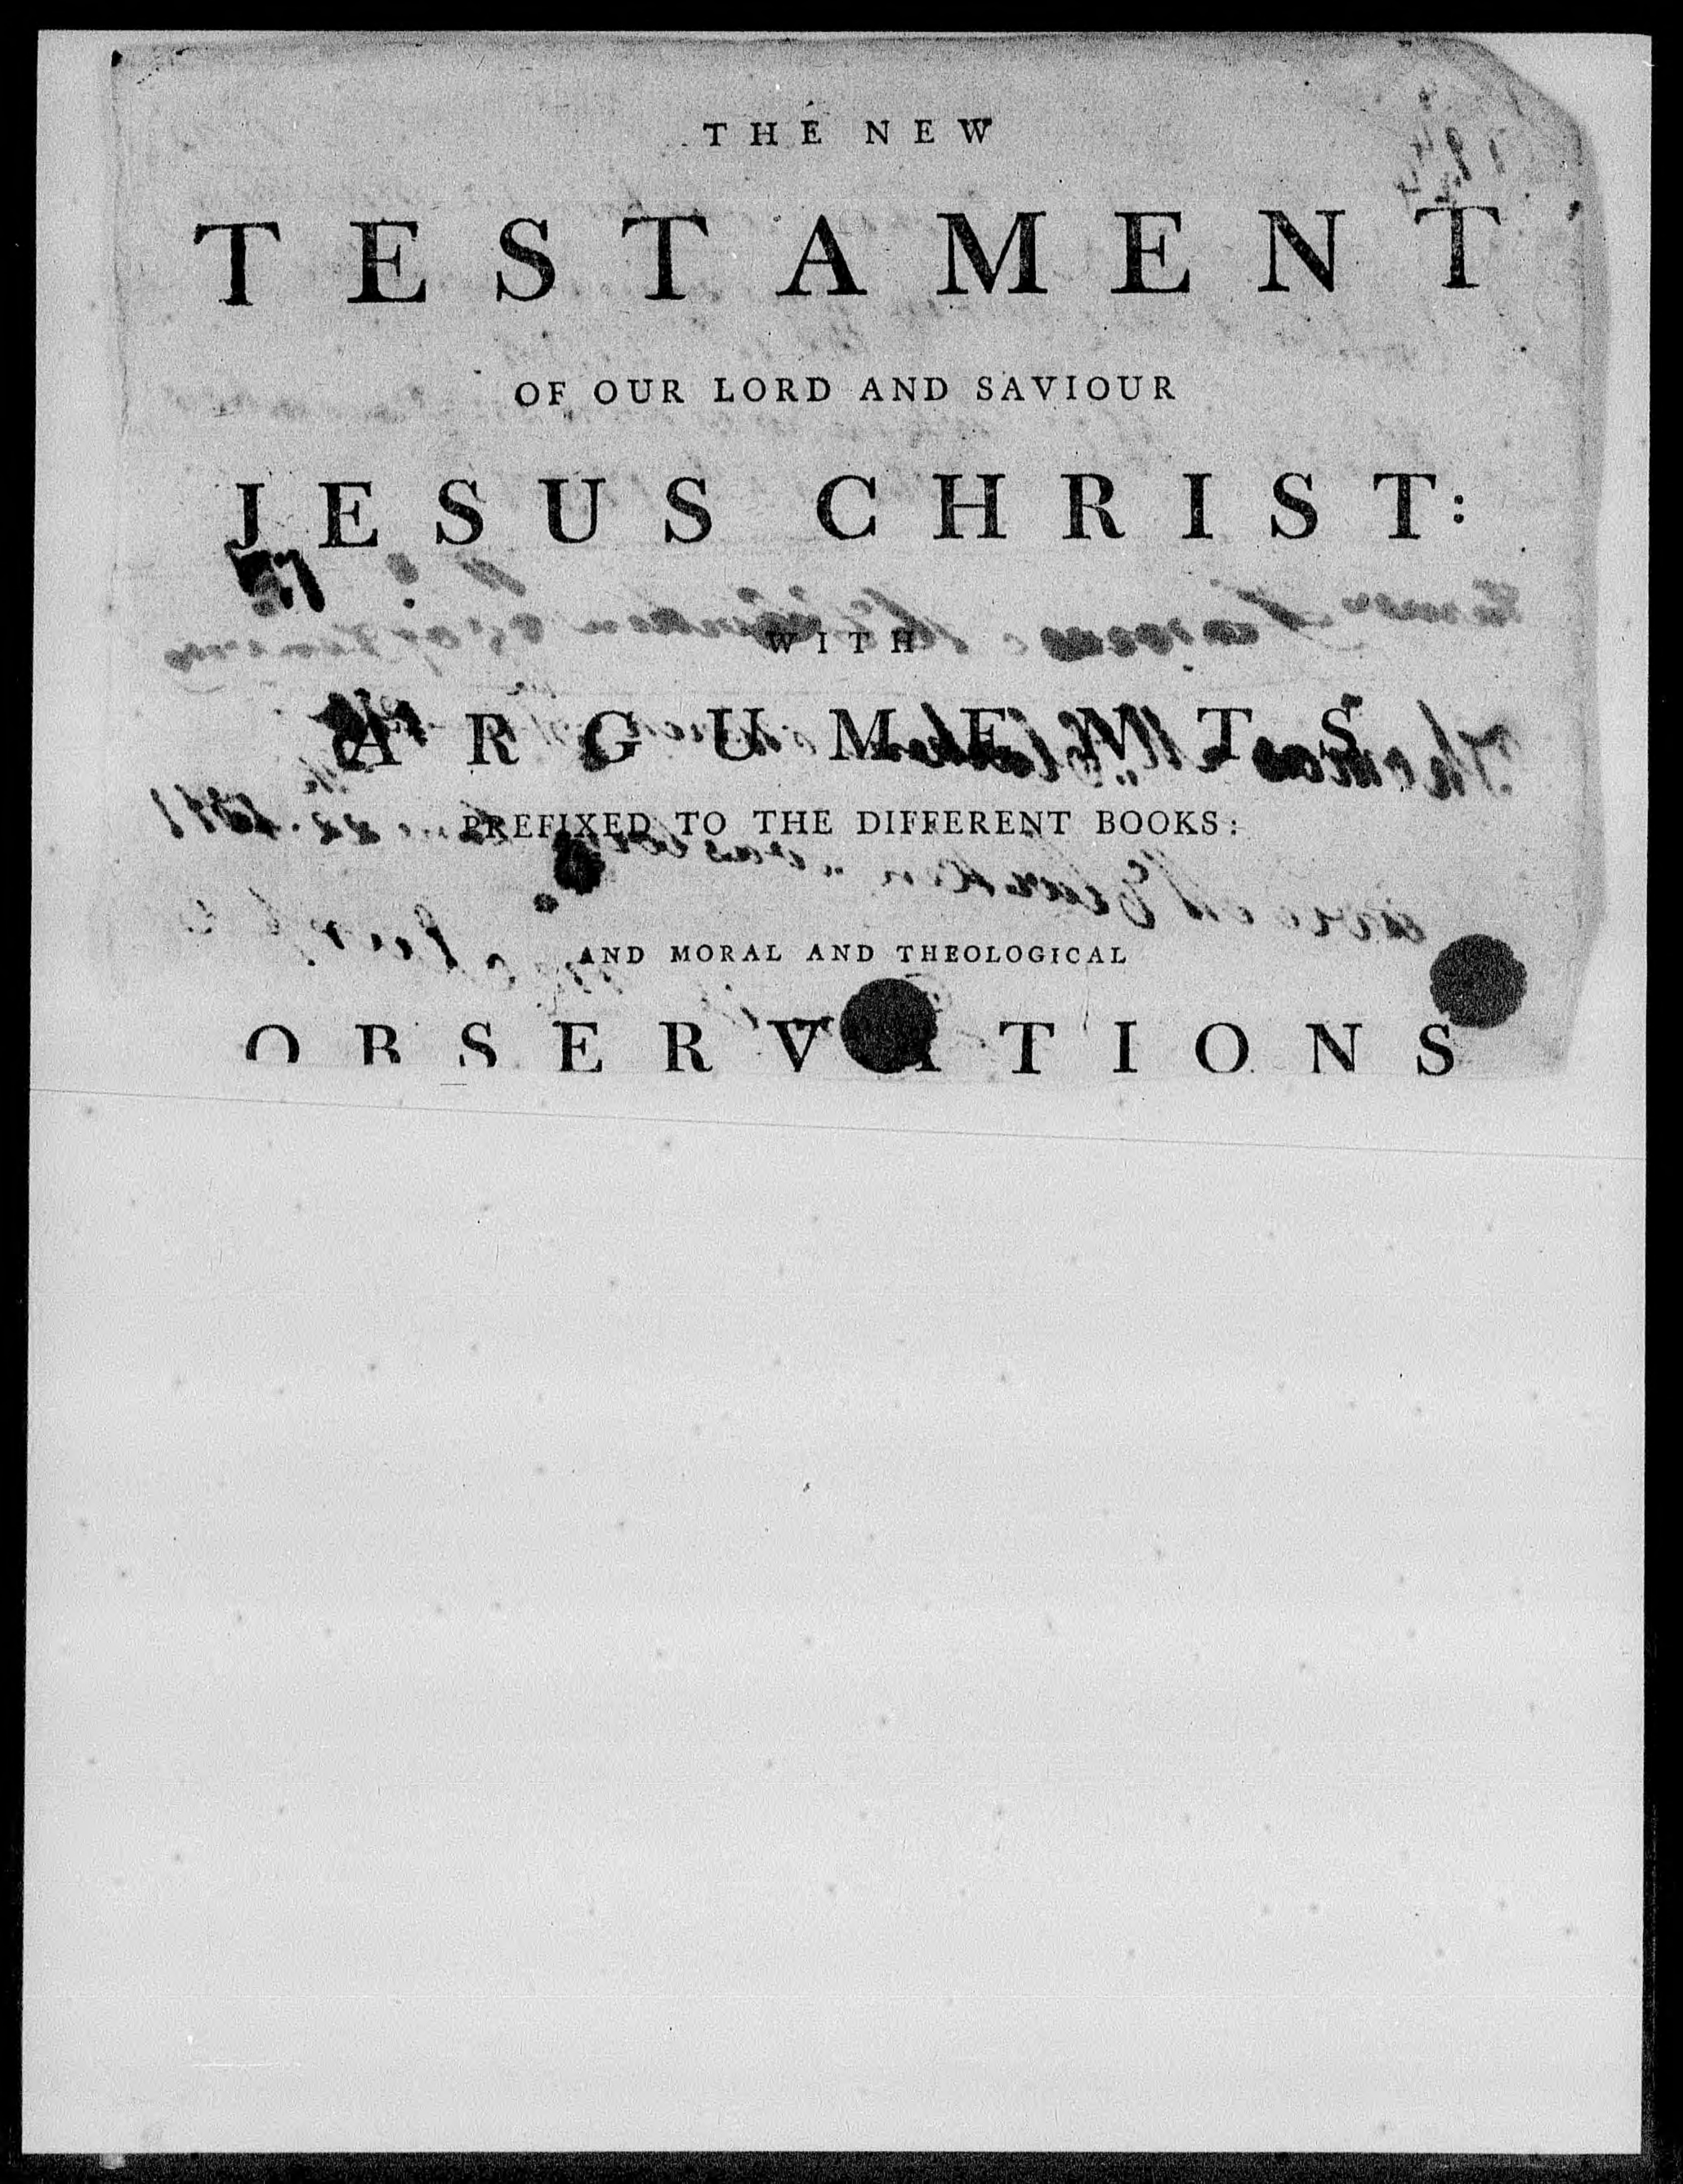THE NEW 
TESTAMENT
OUR LORD AND SAVIOUR 
JESUS CHRIST:
WITH
ARGUMENTS
PREFIXED TO THE DIFFERENT BOOKS
AND MORAL THEOLOGICAL
OBSERVATIONS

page: 4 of 93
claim: widow's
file: W. 21792, for Thomas Mc Clurken, South Carolina